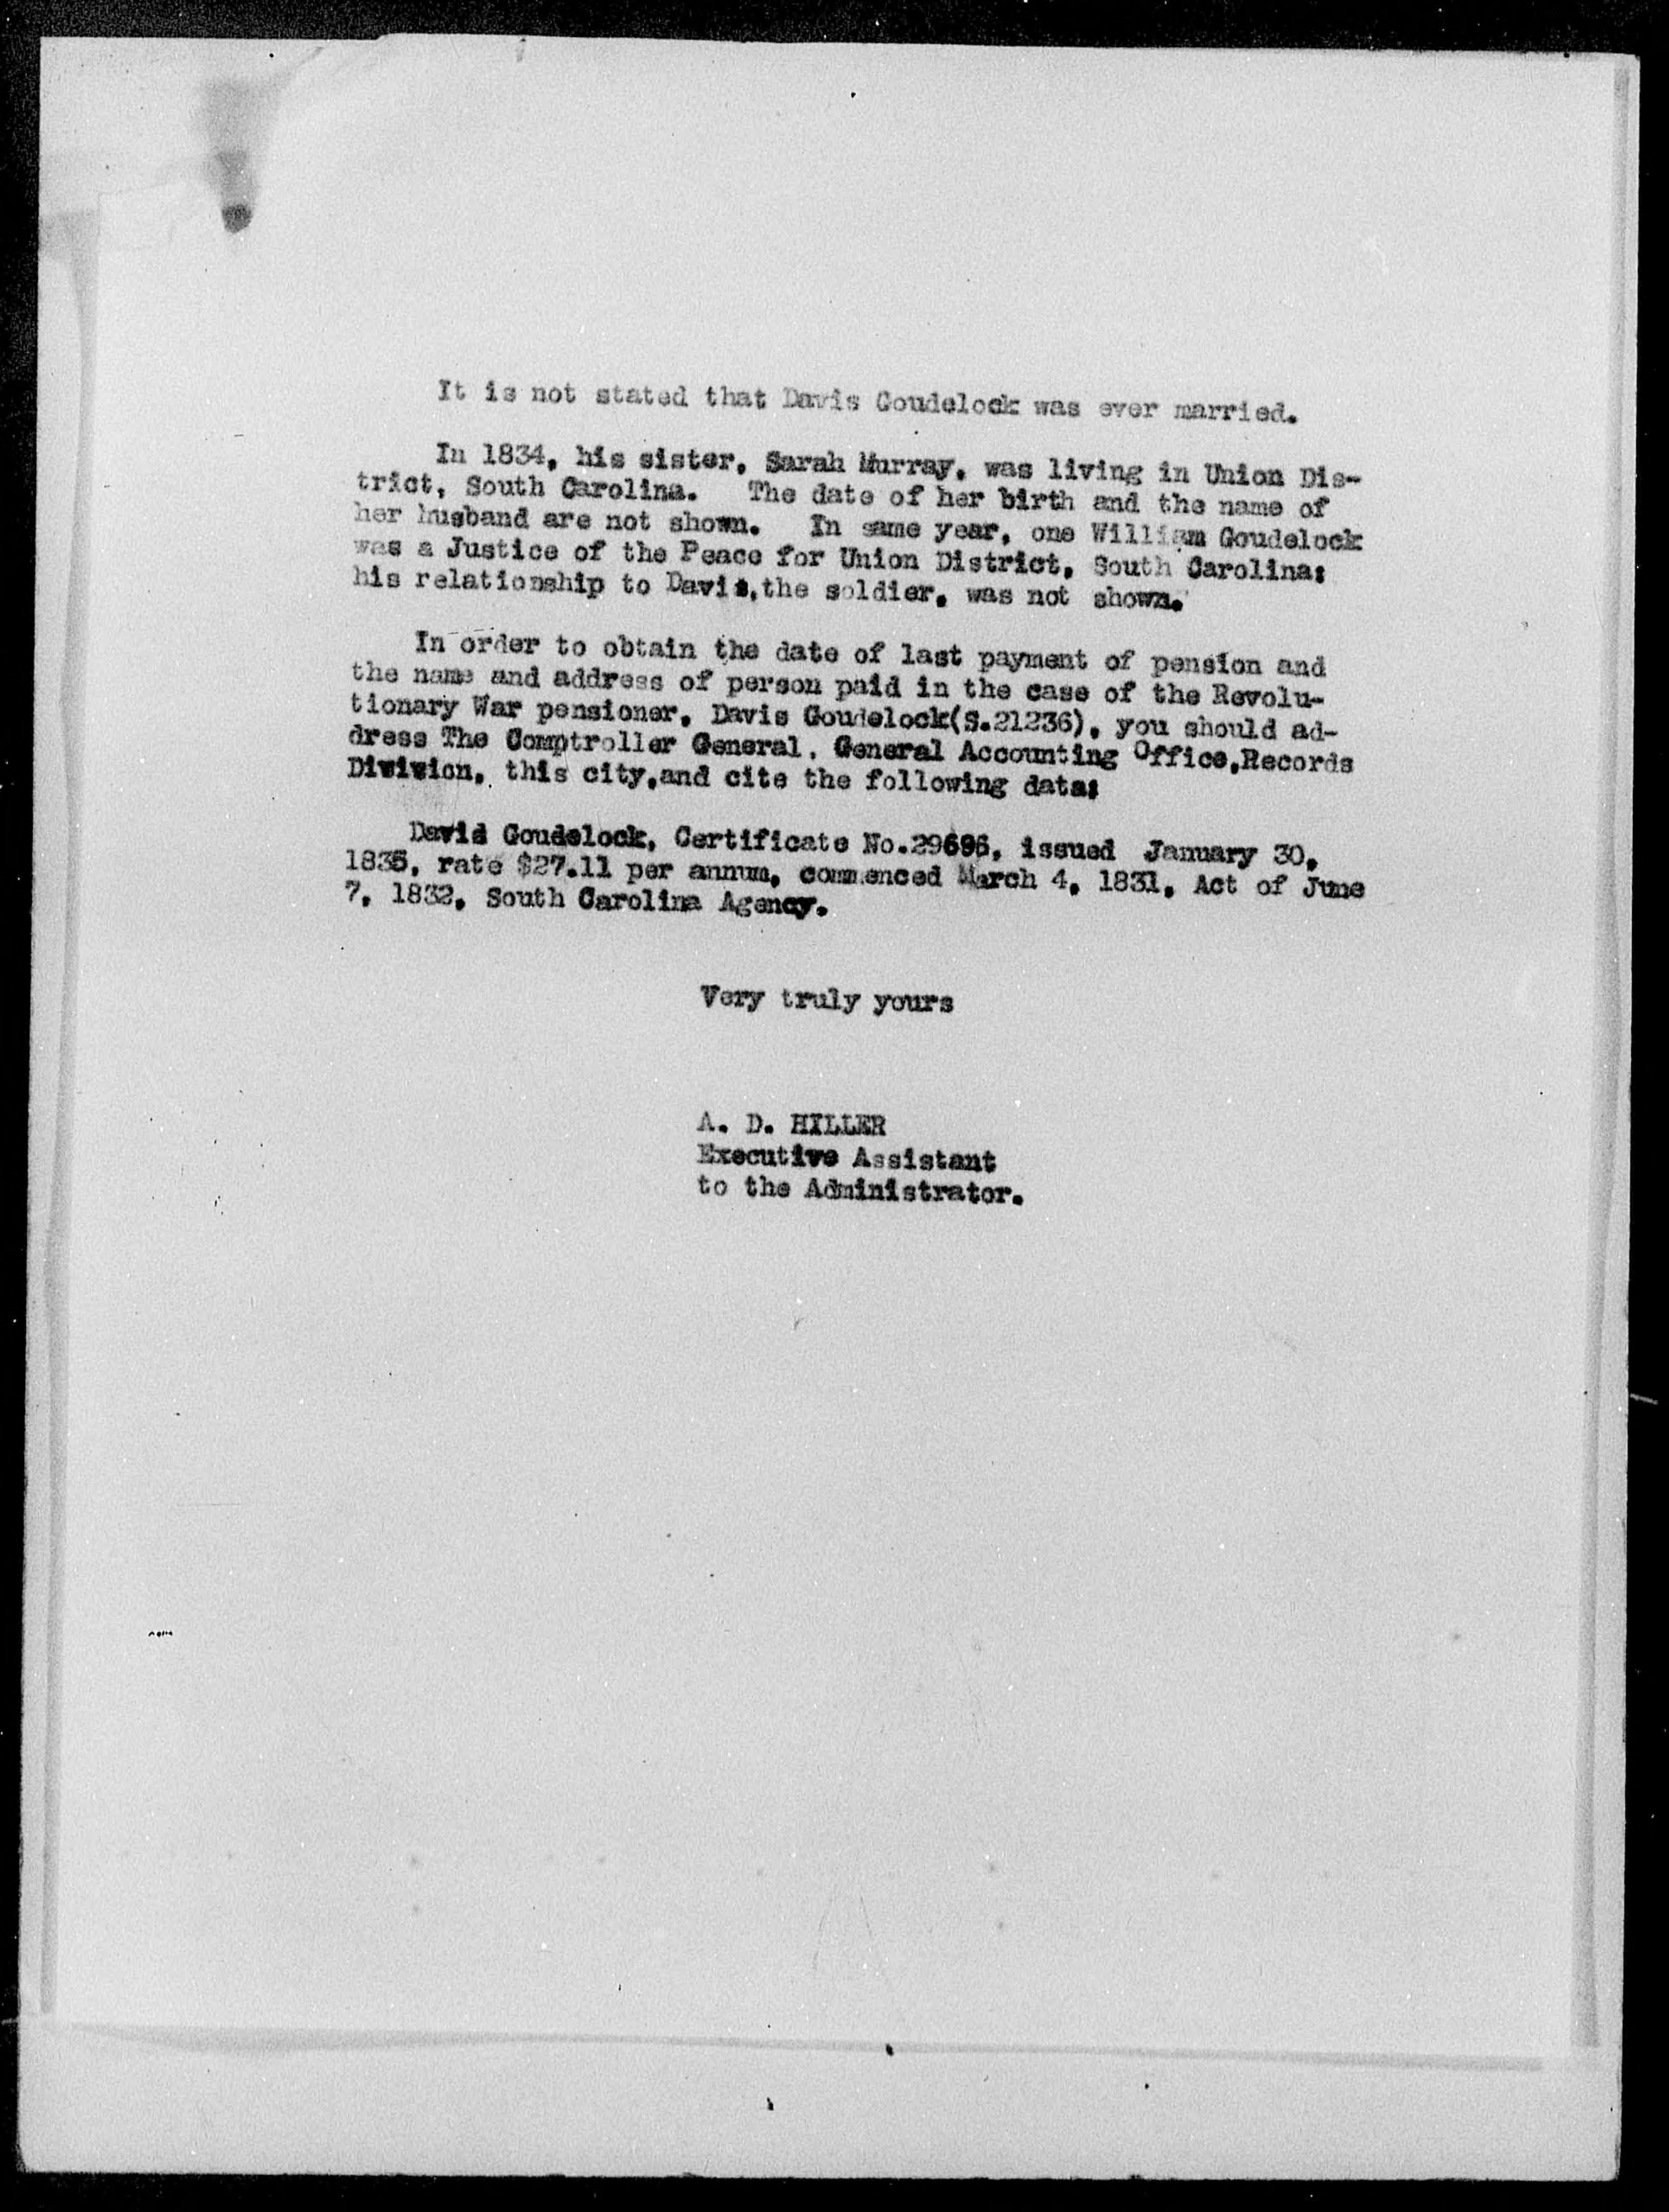It is not stated that Davis Goudelock was ever married.
In 1834, his sister, Sarah Murray, was living in Union District, South Carolina. The date of her birth and the name of her husband are not shown. In same year, one William Goudelock was a Justice of the Peace for this District, South Carolina; his relationship to Davis, the soldier, was not shown.
In order to obtain the date of last payment of pension and the name and address of person paid in the case of the Revolutionary War pensioner, Davis Goudelock (S.21236), you should address The Comptroller General, General Accounting Office, Records Division, this city, and cite the following data:
Davis Goudelock, Certificate No. 29696, issued January 30, 1833, rate $27.11 per annum, commenced March 4, 1831, Act of June 7, 1832, South Carolina Agency.
Very truly yours
A. D. HILLER
Executive Assistant
to the Administrator.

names: William Goudelock, Davis Goudelock, David Goudelock, Davis Goudelock, Davis, A D Hiller, Sarah Murray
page: 10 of 18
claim: survivor's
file: S. 21,236, Davis Goudelock, S.C.